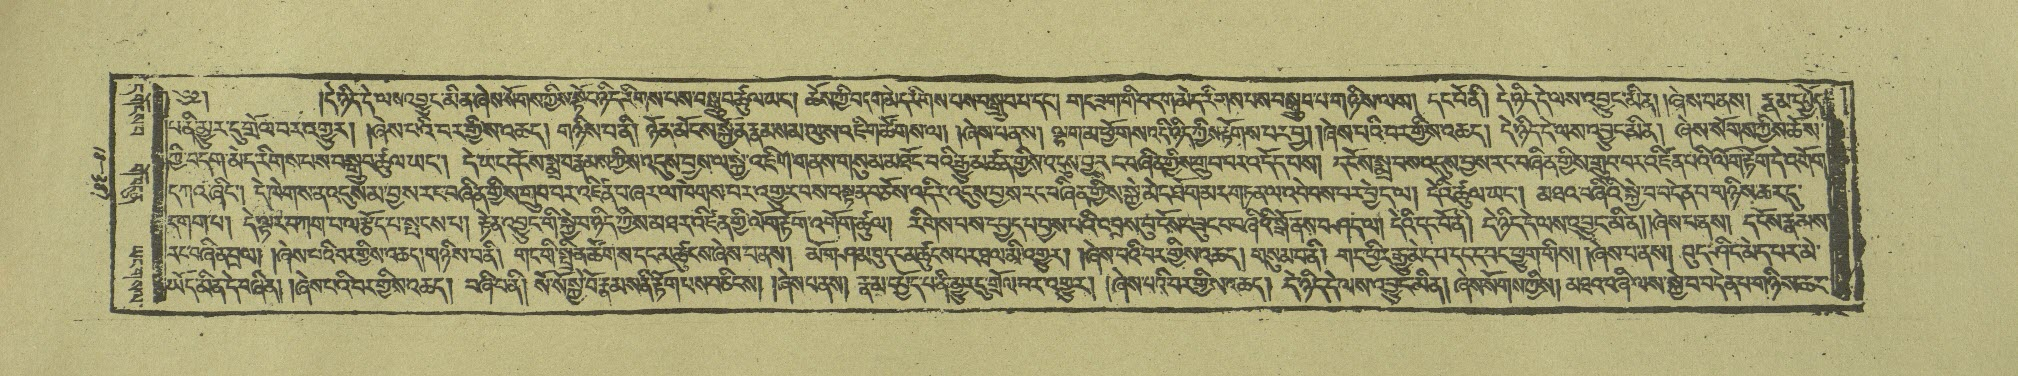༄༅། །དེ་ཉིད་དེ་ལས་འབྱུང་མིན་ཞེས་སོགས་ཀྱིས་སྟོང་ཉིད་རིགས་པས་བསྒྲུབ་ཚུལ་ཡང་། ཆོས་ཀྱི་བདག་མེད་རིགས་པས་བསྒྲུབ་པ་དང་། གང་ཟག་གི་བདག་མེད་རིགས་པས་བསྒྲུབ་པ་གཉིས་ལས། དང་པོ་ནི། དེ་ཉིད་དེ་ལས་འབྱུང་མིན། །ཞེས་པ་ནས། རྣམ་དཔྱོད་
པ་ནི་མྱུར་དུ་གྲོལ་བར་འགྱུར། །ཞེས་པའི་བར་གྱིས་འཆད། གཉིས་པ་ནི། ཉོན་མོངས་སྐྱོན་རྣམས་མ་ལུས་འཇིག་ཚོགས་ལ། །ཞེས་པ་ནས། ལྷག་མ་ཕྱོགས་འདི་ཉིད་ཀྱིས་རྟོགས་པར་བྱ། །ཞེས་པའི་བར་གྱིས་འཆད། དེ་ཉིད་དེ་ལས་འབྱུང་མིན། ཞེས་སོགས་ཀྱིས་ཆོས་
ཀྱི་བདག་མེད་རིགས་པས་བསྒྲུབ་ཚུལ་ཡང་། དེ་ཡང་དངོས་སྨྲ་བ་རྣམས་ཀྱིས་འདུས་བྱས་ལ་སྐྱེ་འཇིག་གནས་གསུམ་མཐོང་བའི་རྒྱུ་མཚན་གྱིས་འདུས་བྱ་རང་བཞིན་གྱིས་གྲུབ་པར་འདོད་པས། དངོས་སྨྲ་བས་འདུས་བྱས་རང་བཞིན་གྱིས་གྲུབ་པར་འཛིན་པའི་ལོག་རྟོག་དེ་འགོག་
དཀའ་ཞིང་། དེ་ཁེགས་ན་འདུས་མ་བྱས་རང་བཞིན་གྱིས་གྲུབ་པར་འཛིན་པ་ཞར་ལ་ཁེགས་པར་འགྱུར་བས་བསྟན་བཅོས་འདིར་འདུས་བྱས་རང་བཞིན་གྱིས་སྐྱེ་མེད་ཐོག་མར་གཏན་ལ་འབེབས་པར་བྱེད་ལ། དེའི་ཚུལ་ཡང་། མཐའ་བཞིའི་སྐྱེ་བ་བདེན་པ་གཉིས་ཆར་དུ་
དགག་པ། དེ་ལྟར་བཀག་པ་ལ་རྩོད་པ་སྤངས་པ། རྟེན་འབྱུང་གི་སྐྱེ་བ་ཉིད་ཀྱིས་མཐར་འཛིན་གྱི་ལོག་རྟོག་འགོག་ཚུལ། རིགས་པས་དཔྱད་པ་བྱས་པའི་འབྲས་བུ་ངོས་བཟུང་བ་བཞིའི་སྒོ་ནས་བཤད་ལ། དེའི་དང་པོ་ནི། དེ་ཉིད་དེ་ལས་འབྱུང་མིན། །ཞེས་པ་ནས། དངོས་རྣམས་
རང་བཞིན་བྲལ། །ཞེས་པའི་བར་གྱིས་འཆད། གཉིས་པ་ནི། གང་གི་སྤྲིན་ཚོགས་དང་མཚུངས་ཞེས་པ་ནས། མོ་གཤམ་བུ་དང་མཚུངས་པར་ཐལ་མི་འགྱུར། །ཞེས་པའི་བར་གྱིས་འཆད། གསུམ་པ་ནི། གང་ཕྱིར་རྒྱུ་མེད་པ་དང་དབང་ཕྱུག་གིས། །ཞེས་པ་ནས། བུད་ཤིང་མེད་པར་མེ་
ཡོད་མིན་དེ་བཞིན། །ཞེས་པའི་བར་གྱིས་འཆད། བཞི་པ་ནི། སོ་སོ་སྐྱེ་བོ་རྣམས་ནི་རྟོག་པས་བཅིངས། །ཞེས་པ་ནས། རྣམ་དཔྱོད་པ་ནི་མྱུར་དུ་གྲོལ་བར་འགྱུར། །ཞེས་པའི་བར་གྱིས་འཆད། དེ་ཉིད་དེ་ལས་འབྱུང་མིན། ཞེས་སོགས་ཀྱིས། མཐའ་བཞི་ལས་སྐྱེ་བ་བདེན་པ་གཉིས་ཆར་